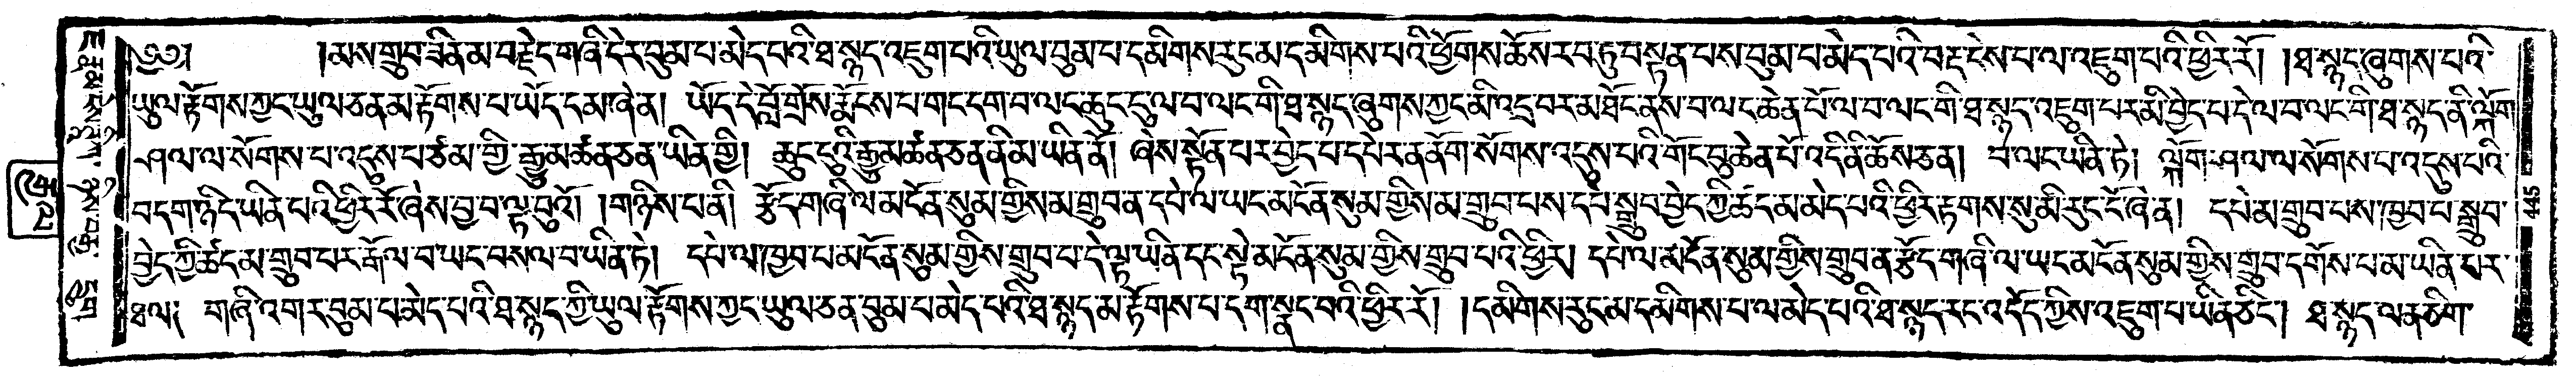༄༅། །མས་གྲུབ་ཟིན་མ་བརྗེད་གཞི་དེར་བུམ་པ་མེད་པའི་ཐ་སྙད་འཇུག་པའི་ཡུལ་བུམ་པ་དམིགས་རུང་མ་དམིགས་པའི་ཕྱོགས་ཆོས་རབ་ཏུ་བསྟན་པས་བུམ་པ་མེད་པའི་བརྡ་ངེས་པ་ལ་འཇུག་པའི་ཕྱིར་རོ། །ཐ་སྙད་ཞུགས་པའི་
ཡུལ་རྟོགས་ཀྱང་ཡུལ་ཅན་མ་རྟོགས་པ་ཡོད་དམ་ཞེ་ན། ཡོད་དེ་བློ་གྲོས་རྨོངས་པ་གང་དག་པ་ལང་ཆུང་ངུ་ལ་བ་ལང་གི་ཐ་སྙད་ཞུགས་ཀྱང་མི་འདྲ་བར་མཐོང་ནས་བ་ལང་ཆེན་པོ་ལ་བ་ལང་གི་ཐ་སྙད་འཇུག་པར་མི་བྱེད་པ་དེ་ལ་བ་ལང་གི་ཐ་སྙད་ནི་ལྐོག་
ཤལ་ལ་སོགས་པ་འདུས་པ་ཙམ་གྱི་རྒྱུ་མཚན་ཅན་ཡིན་གྱི། ཆུང་ངུའི་རྒྱུ་མཚན་ཅན་ནི་མ་ཡིན་ནོ། ཞེས་སྟོན་པར་བྱེད་པ་དཔེར་ན་ནོག་སོགས་འདུས་པའི་གོང་བུ་ཆེན་པོ་འདི་ནི་ཆོས་ཅན། བ་ལང་ཡིན་ཏེ། ལྐོག་ཤལ་ལ་སོགས་པ་འདུས་པའི་
བདག་ཉིད་ཡིན་པའི་ཕྱིར་རོ་ཞེས་བྱ་བ་ལྟ་བུའོ། །གཉིས་པ་ནི། རྩོད་གཞི་ལ་མངོན་སུམ་གྱིས་མ་གྲུབ་ན་དཔེ་ལ་ཡང་མངོན་སུམ་གྱིས་མ་གྲུབ་པས་དཔེ་སྒྲུབ་བྱེད་ཀྱི་ཚད་མ་མེད་པའི་ཕྱིར་རྟགས་སུ་མི་རུང་ངོ་ཞེ་ན། དཔེ་མ་གྲུབ་པས་ཁྱབ་པ་སྒྲུབ་
བྱེད་ཀྱི་ཚད་མ་གྲུབ་པར་རྒོལ་བ་ཡང་བསལ་བ་ཡིན་ཏེ། དཔེ་ལ་ཁྱབ་པ་མངོན་སུམ་གྱིས་གྲུབ་པ་དེ་ལྟ་ཡིན་དང་སྟེ་མངོན་སུམ་གྱིས་གྲུབ་པའི་ཕྱིར། དཔེ་ལ་མངོན་སུམ་གྱིས་གྲུབ་ན་རྩོད་གཞི་ལ་ཡང་མངོན་སུམ་གྱིས་གྲུབ་དགོས་པ་མ་ཡིན་པར་
ཐལ། གཞི་འགར་བུམ་པ་མེད་པའི་ཐ་སྙད་ཀྱི་ཡུལ་རྟོགས་ཀྱང་ཡུལ་ཅན་བུམ་པ་མེད་པའི་ཐ་སྙད་མ་རྟོགས་པ་དག་སྣང་བའི་ཕྱིར་རོ། །དམིགས་རུང་མ་དམིགས་པ་ལ་མེད་པའི་ཐ་སྙད་རང་འདོད་ཀྱིས་འཇུག་པ་ཡིན་ཅིང་། ཐ་སྙད་ལན་ཅིག་